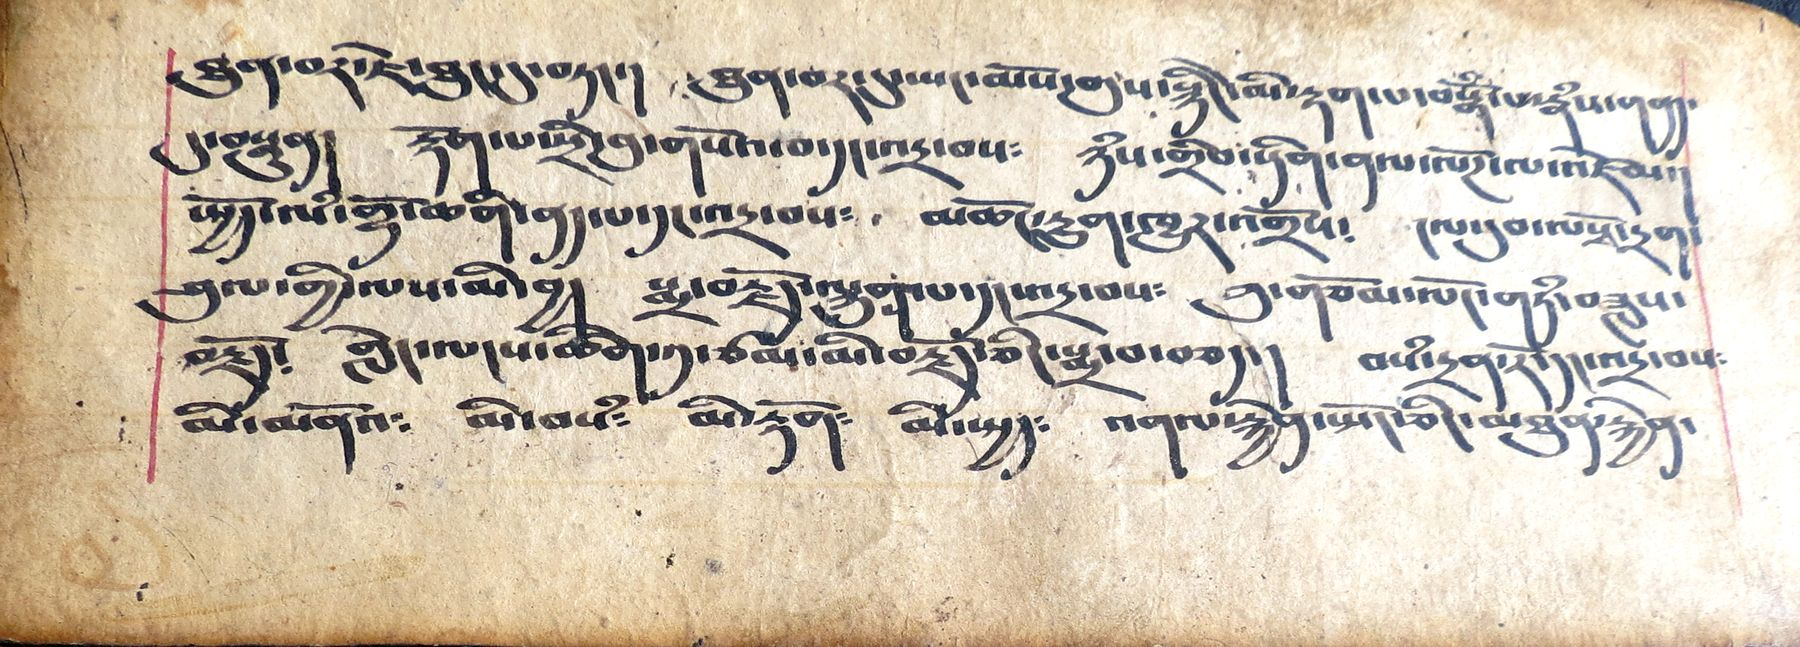ཐུན་བར་ཇེ་ཐུང་དུ་བསྟུང་། ཐུན་བར་ཡང་མོས་གུས་སྙིང་རྗེ་མི་རྟག་པ་བསྒོམ་པ་རྣམས་གནད་
དུ་བསྣུན། རྟོགས་པ་སྲིའུ་གསོ་བ་དང་འདྲ་བས་ཉམས་གྲིབ་སྡིགས་ནལ་ལ་སོགས་ལ་འཛེམས། 
སྤྱོད་ལམ་མགོ་ཆག་གི་ནད་པ་དང་འདྲ་བས། མཆོང་རྒྱུག་ཁུར་འགྲོས་ངལ་དུབ་ལ་སོགས་དྲག་
ཤུལ་གྱི་ལས་མི་བྱ། སྨྲ་བརྗོད་ལྐུགས་པ་དང་འདྲ་བས། ཀུ་ཅོ་ལོང་གཏམ་བཟླས་
བརྗོད་གླེང་ལོང་ཚིག་གཅིག་ཙམ་ཡང་མ་བརྗོད་ཅིང་། སྨྲ་བཅད། བསམ་དྲན་རོ་དང་འདྲ་བས། 
མི་མནོ་མི་བསམ་མི་རྟོག་མི་དཔྱད། འགལ་རྐྱེན་སྤང་ཞིང་མཐུན་རྐྱེན་